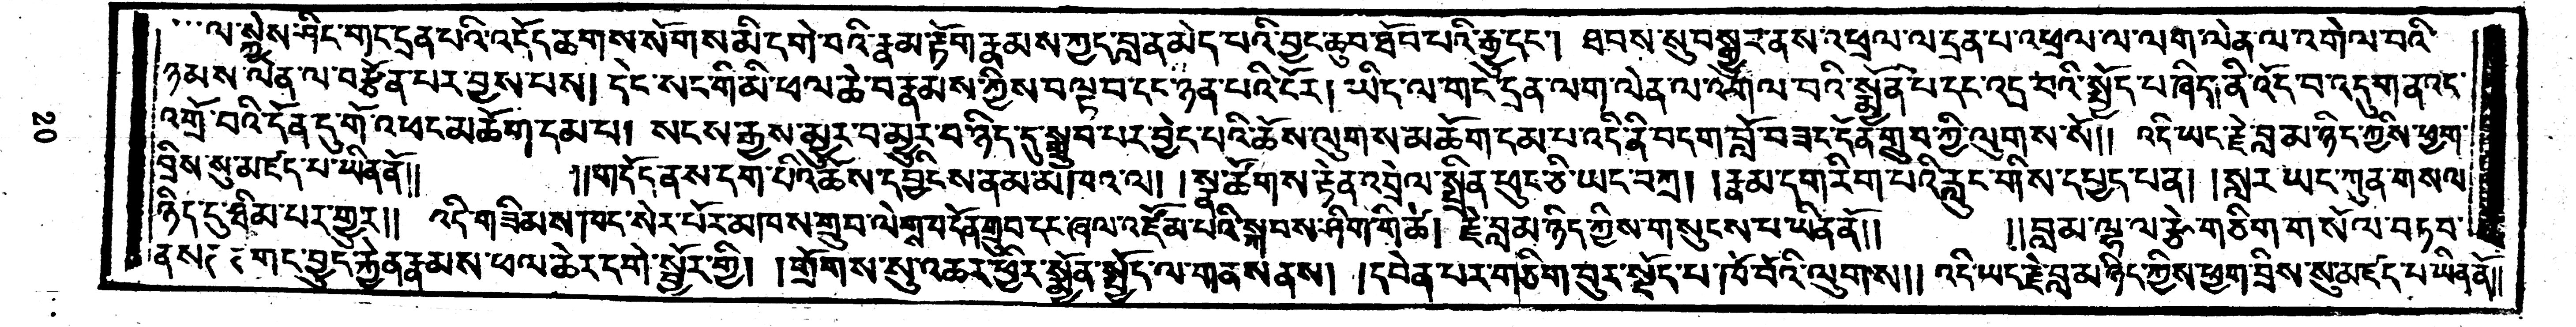ལ་སྐྱེས་ཤིང་གང་དྲན་པའི་འདོད་ཆགས་སོགས་མི་དགེ་བའི་རྣམ་རྟོག་རྣམས་ཀྱད་བླ་ན་མེད་པའི་བྱང་ཆུབ་ཐོབ་པའི་རྒྱུ་དང་། ཐབས་སུ་བསྒྱུར་ནས་འཕྲལ་ལ་དྲན་པ་འཕྲལ་ལ་ལག་ལེན་ལ་འགེལ་བའི་
ཉམས་ལེན་ལ་བརྩོན་པར་བྱས་པས། དེང་སང་གི་མི་ཕལ་ཆེ་བ་རྣམས་ཀྱིས་བལྟ་བ་དང་ཉན་པའི་ངོར། ཡིད་ལ་གང་དྲན་ལག་ལེན་ལ་འགལ་བའི་སྨྱོན་པ་དང་འདྲ་བའི་སྤྱོད་པ་ཞིད། ནི་འོད་བ་འདུག་ནའང་
འགྲོ་བའི་དོན་དུ་གོ་འཕང་མཆོག་དམ་པ། སངས་རྒྱས་མྱུར་བ་མྱུར་བ་ཉིད་དུ་སྒྲུབ་པར་བྱེད་པའི་ཆོས་ལུགས་མཆོག་དམ་པ་འདི་ནི་བདག་བློ་བཟང་དོན་གྲུབ་ཀྱི་ལུགས་སོ།། འདི་ཡང་རྗེ་བླ་མ་ཉིད་ཀྱིས་ཕྱག་
བྲིས་སུ་མཛད་པ་ཡིན་ནོ།། །།གདོད་ནས་དག་པའི་ཆོས་དབྱིངས་ནམ་མཁའ་ལ། །སྣ་ཚོགས་རྟེན་འབྲེལ་སྤྲིན་ཕུང་ཅི་ཡང་བཀྲ། །རྣམ་དག་རིག་པའི་རླུང་གིས་དཔྱད་པ་ན། །སླར་ཡང་ཀུན་གསལ་
ཉིད་དུ་ཐིམ་པར་གྱུར།། འདི་གཟིམས་ཁང་སེར་པོར་མཁས་གྲུབ་ལེགས་པ་དོན་གྲུབ་དང་ཞལ་འཛོམ་པའི་སྐབས་ཤིག་གི་ཚེ། རྗེ་བླ་མ་ཉིད་ཀྱིས་གསུངས་པ་ཡིན་ནོ།། །།བླ་མ་ལྷ་ལ་རྩེ་གཅིག་གསོལ་བཏབ་
ནས༑ ༑གང་བྱུང་རྐྱེན་རྣམས་ཕལ་ཆེར་དགེ་སྦྱོར་གྱི། །གྲོགས་སུ་འཆར་ཕྱིར་སྨྱོན་སྤྱོད་ལ་གནས་ནས། །དབེན་པར་གཅིག་བུར་སྡོད་པ་ཁོ་བོའི་ལུགས།། འདི་ཡང་རྗེ་བླ་མ་ཉིད་ཀྱིས་ཕྱག་བྲིས་སུ་མཛད་པ་ཡིན་ནོ།།